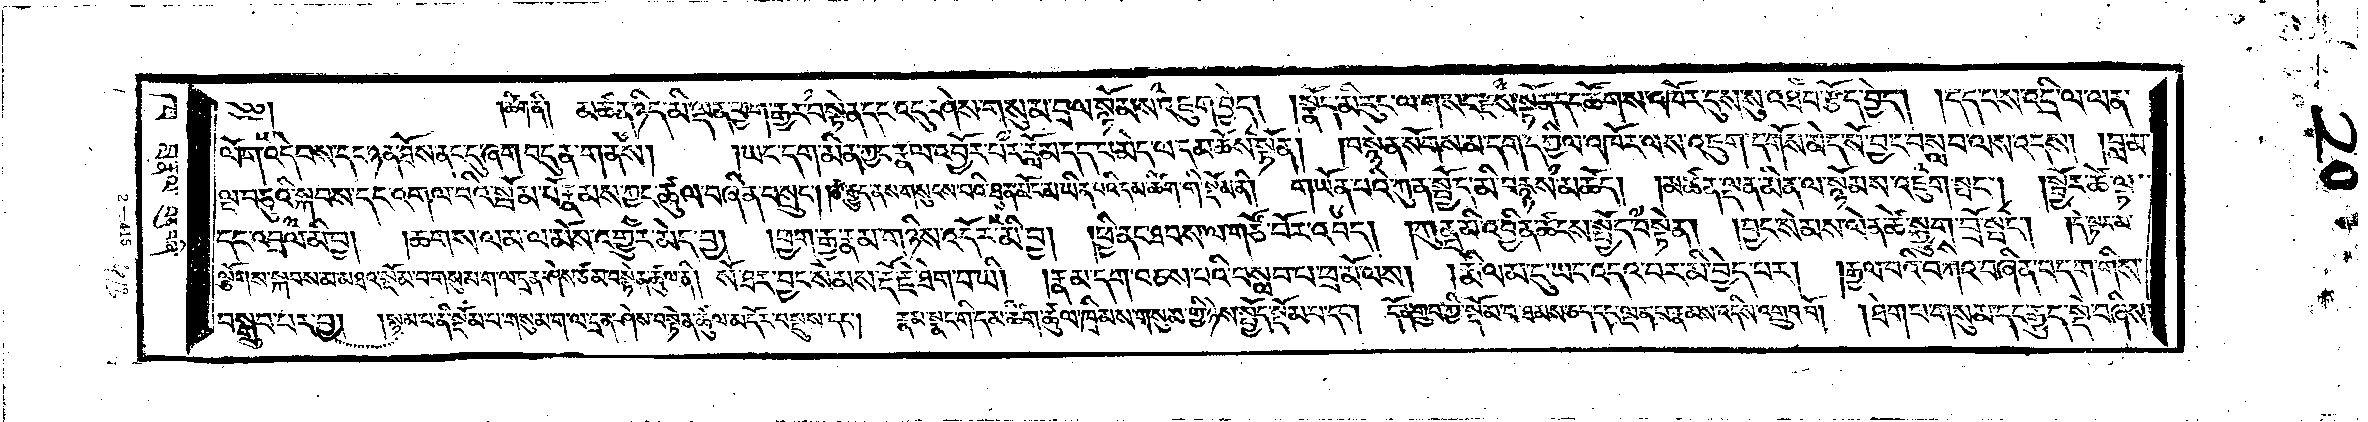༄༅། །ཚིག་ནི།  མཚན་ཉིད་མི་ལྡན་ཕྱག་རྒྱར་བསྟེན་དང་འདུ་ཤེས་གསུམ་བྲལ་སྙོམས་འཇུག་བྱེད། །སྣོད་མི་རུང་ལ་གསང་རྫས་སྟོན་དང་ཚོགས་འཁོར་དུས་སུ་འཐབ་རྩོད་བྱེད། །དད་པས་འདྲི་ལ་ལན་
ལོག་འདེབས་དང་ཉན་ཐོས་ནང་དུ་ཞག་བདུན་གནས། །ཡང་དག་མིན་ཀྱང་རྣལ་འབྱོར་པར་རློམ་དད་པ་མེད་ལ་དམ་ཆོས་སྟོན། །བསྙེན་སོགས་མ་དག་དཀྱིལ་འཁོར་ལས་འཇུག་དགོས་མེད་སོ་བྱང་བསླབ་ལས་འདས། །བླ་མ་
ལྔ་བཅུའི་སྐབས་དང་འགལ་བའི་སྦོམ་པོ་རྣམས་ཀྱང་ཚུལ་བཞིན་བསྲུང་། །རྩ་རྒྱུད་ནས་གསུངས་པའི་ཐུན་མོང་མ་ཡིན་པའི་དམ་ཚིག་གི་སྡོམ་ནི།  གཡོན་པའི་ཀུན་སྤྱོད་མི་བརྙས་མཆོད། །མཚན་ལྡན་མིན་ལ་སྙོམས་འཇུག་སྤང་། །སྦྱོར་ཚེ་ལྟ་
དང་འབྲལ་མི་བྱ། །ཆགས་ལམ་ལ་མོས་འགྱུར་མེད་བྱ། །ཕྱག་རྒྱ་རྣམ་གཉིས་འདོར་མི་བྱ། །ཕྱི་ནང་ལ་གཙོ་བོར་འབད། །ཀུནྡ་མི་འབྱིན་ཚང་སྤྱོད་བསྟེན། །བྱང་སེམས་ལེན་ཚེ་སྐྱུགས་བྲོ་སྤང་། །དེ་ལྟར་མ་
ལྕོགས་སྐབས་མ་མཐའ་སྡོམ་པ་གསུམ་ག་ལ་དྲན་ཤེས་ཙམ་བསྟེན་ཚུལ་ནི། སོ་ཐར་བྱང་སེམས་རྡོ་རྗེ་ཐེག་པ་ཡི། །རྣམ་དག་བཅས་པའི་བསླབ་པ་ཕྲ་མོ་ལས། །རྨི་ལམ་དུ་ཡང་འདའ་པར་མི་བྱེད་པར། །རྒྱལ་བའི་བཀའ་བཞིན་བདག་གིས་
བསྒྲུབ་པར་བྱ། །སྙམ་པ་ནི་སྡོམ་པ་གསུམ་ག་ལ་དྲན་ཤེས་བསྟེན་ཚུལ་མདོར་བསྡུས་དང་། རྣམ་སྣང་གི་དམ་ཚིག་ཚུལ་ཁྲིམས་གསུམ་གྱི་ཉེས་སྤྱོད་སྡོམ་པ་དང་། དོན་གྲུབ་ཀྱི་སྡོམ་པ་ཐམས་ཅད་དང་ལྡན་པ་རྣམས་འདིས་འགྲུབ་བོ།  །ཐེག་པ་གསུམ་དང་རྒྱུད་སྡེ་བཞིས་